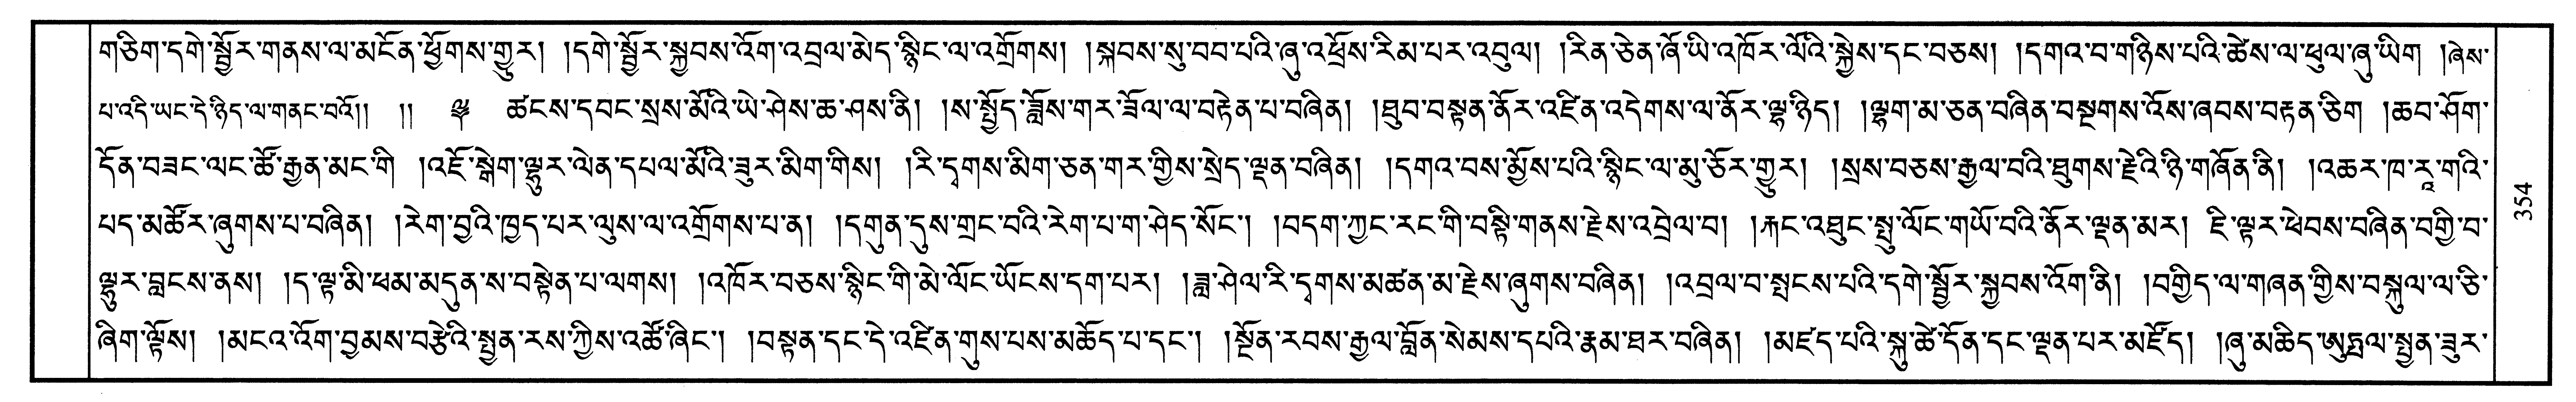གཅིག་དགེ་སྦྱོར་གནས་ལ་མངོན་ཕྱོགས་གྱུར། །དགེ་སྦྱོར་སྐྱབས་འོག་འབྲལ་མེད་སྙིང་ལ་འགྲོགས། །སྐབས་སུ་བབ་པའི་ཞུ་འཕྲོས་རིམ་པར་འབུལ། །རིན་ཅེན་ཞོ་ཡི་འཁོར་ལོའི་སྐྱེས་དང་བཅས། །དགའ་བ་གཉིས་པའི་ཚེས་ལ་ཕུལ་ཞུ་ཡིག །ཞེས་
པ་འདི་ཡང་དེ་ཉིད་ལ་གནང་བའོ།། །། ༈ ཚངས་དབང་སྲས་མོའི་ཡེ་ཤེས་ཆ་ཤས་ནི། །ས་སྤྱོད་ཟློས་གར་ཟོལ་ལ་བརྟེན་པ་བཞིན། །ཐུབ་བསྟན་ནོར་འཛིན་འདེགས་ལ་ནོར་ལྷ་ཉིད། །ལྷག་མ་ཅན་བཞིན་བསྔགས་འོས་ཞབས་བརྟན་ཅིག །ཆབ་ཤོག་
བས་མྱོས་པའི་སྙིང་ལ་མུ་ཅོར་གྱུར། །སྲས་བཅས་རྒྱལ་བའི་ཟུར་མིག་གིས། །རི་དྭགས་མིག་ཅན་གར་གྱིས་སྲེད་ལྡན་བཞིན། །དགའ་བས་མྱོས་པའི་སྙིང་ལ་མུ་ཅོར་གྱུར། །སྲས་བཅས་རྒྱལ་བའི་ཐུགས་རྗེའི་ཉི་གཞོན་ནི། །འཆར་ཁ་རཱ་གའི་
པད་མཚོར་ཞུགས་པ་བཞིན། །རེག་བྱའི་ཁྱད་པར་ལུས་ལ་འགྲོགས་པ་ན། །དགུན་དུས་གྲང་བའི་རེག་པ་ག་ཤེད་སོང་། །བདག་ཀྱང་རང་གི་བསྟི་གནས་རྗེས་འབྲེལ་བ། །རྐང་འཐུང་སྤུ་ལོང་གཡོ་བའི་ནོར་ལྡན་མར། ཇི་ལྟར་ཕེབས་བཞིན་བགྱི་བ་
ལྷུར་བླངས་ནས། །ད་ལྟ་མི་ཕམ་མདུན་ས་བསྟེན་པ་ལགས། །འཁོར་བཅས་སྙིང་གི་མེ་ལོང་ཡོངས་དག་པར། །ཟླ་ཤེལ་རི་དྭགས་མཚན་མ་རྗེས་ཞུགས་བཞིན། །འབྲལ་བ་སྤངས་པའི་དགེ་སྦྱོར་སྐྱབས་འོག་ནི། །བགྱིད་ལ་གཞན་གྱིས་བསྐུལ་ལ་ཅི་
ཞིག་ལྟོས། །མངའ་འོག་བྱམས་བརྩེའི་སྤྱན་རས་ཀྱིས་འཚོ་ཞིང་། །བསྟན་དང་དེ་འཛིན་གུས་པས་མཆོད་པ་དང་། །སྔོན་རབས་རྒྱལ་བློན་སེམས་དཔའི་རྣམ་ཐར་བཞིན། །མཛད་པའི་སྐུ་ཚེ་དོན་དང་ལྡན་པར་མཛོད། །ཞུ་མཆིད་ཨུཏྤལ་སྤྱན་ཟུར་